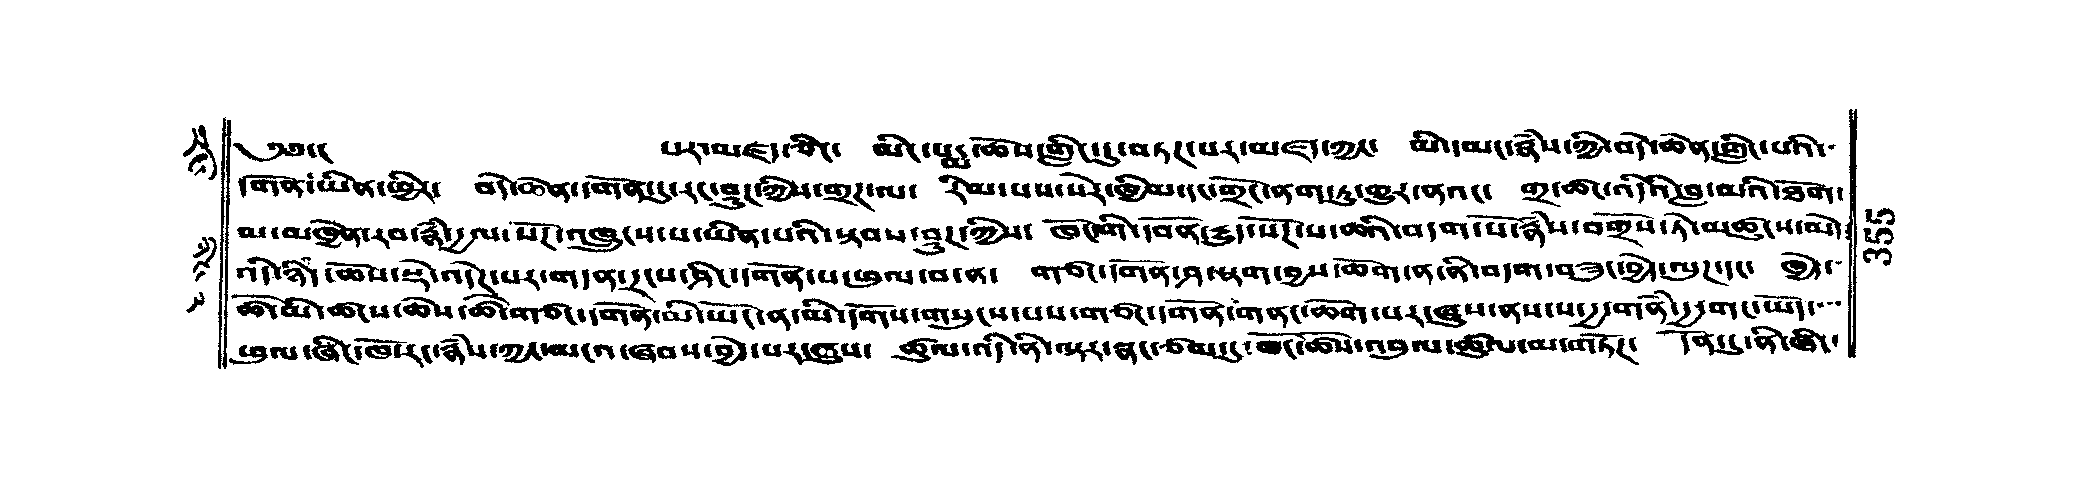པར་མཛད་ཅིང་། མིང་པདྨ་ཆོས་གླིང་དུ་བཏགས་པར་མཛད་ཀྱང་། མི་མང་རྣམས་ཀྱི་བདེ་ཆེན་གླིང་པའི་
དགོན་པ་ཡིན་ཕྱིར། བདེ་ཆེན་དགོན་དུ་རང་ཤུགས་ཀྱིས་གྲགས་ལ། རིམ་པས་སེར་ཁྱིམ་དང་གྲོང་ནག་ཏུ་གྱུར་ནའང་། གྲྭ་ཚང་འདིའི་བླ་མའི་
ཐོག་མ་མཁྱེན་རབ་རྣམ་རྒྱལ་སོགས་འཁྲུངས་པ་ཡིན་པའི་སྟབས་ཀྱིས། ཁོང་གི་དབོན་རྒྱུད་སོགས་ས་ཆའི་བདག་པོ་རྣམས་བགྲོས་ཏེ་མཚུངས་མེད་
འདི་ཉིད་ཆོས་སྡེ་འདེགས་པར་གདན་དྲངས་ཤིང་དགོན་པ་ཕུལ་བ་ན། གཙང་དགོན་ཤ་སྟག་བྱས་ཆོག་ན་ནི་བདག་བཟུང་བྱེད་ལུགས་དང་། ཁྱེད་
ཚོ་མི་ཚང་ཆེས་ཚེ་གཙང་དགོན་མི་ཡོང་ན་མི་དགོས་གསུངས་པས་གཙང་དགོན་གནང་ཆོག་པར་ཞུས་ནས་ས་རྒྱ་གནམ་རྒྱ་གང་ཡོད་
ཕུལ་ཞིང་ཁོ་རང་རྣམས་ཀྱང་མངའ་ཞབས་བྱེད་པར་ཞུས། ཚུལ་འདི་ནི་ལྟར་སྣང་ཙམ་དུ་ཁོང་ཚོས་འབུལ་ཚུལ་མ་གཏོགས།དོན་དུ་ནི་ཞིང་